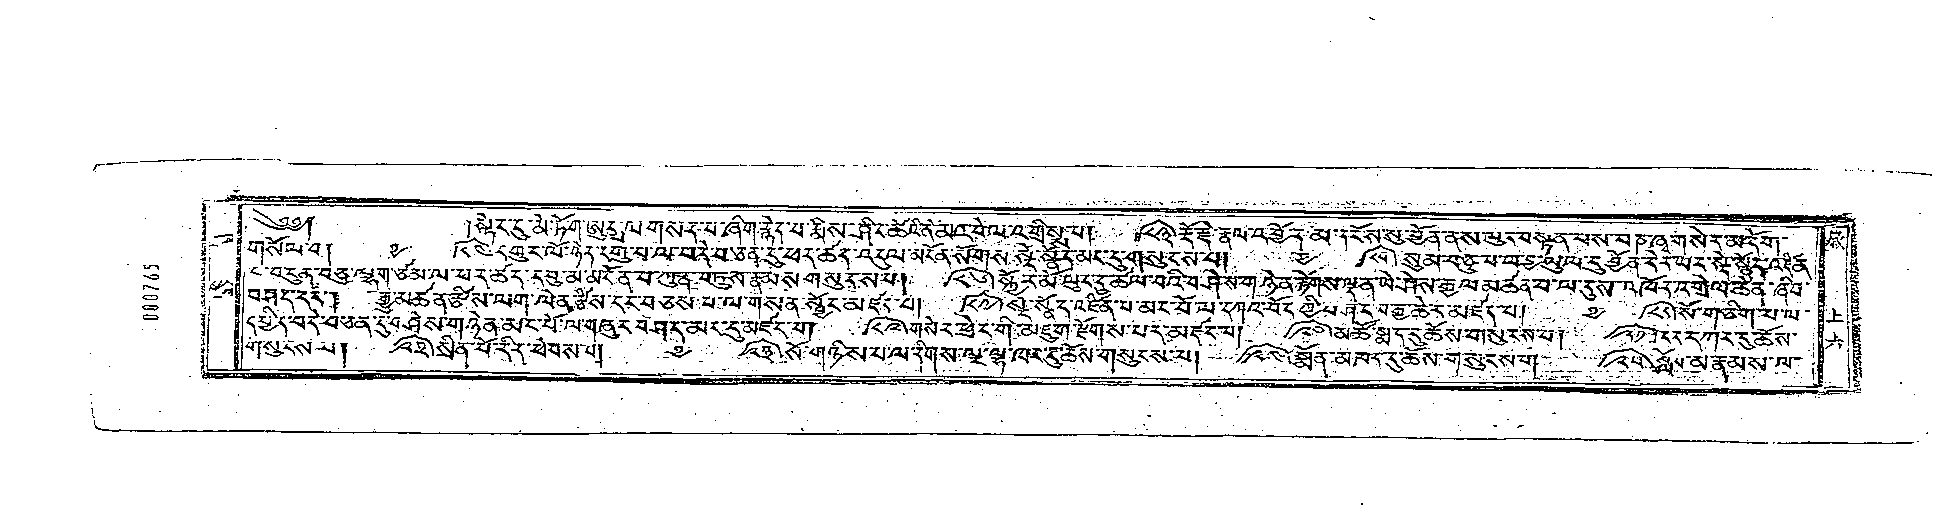༄༅། །སྟེང་དུ་མེ་ཏོག་ཨུཏྤལ་གསར་པ་ཞིག་རྙེད་པ་རྨིས་ཤིང་ཚེའི་ནེ་མའ་བེལ་འགྲིསྶ་པ། ༨༣?་རྡོ་རྗེ་རྣལ་འབྱོར་མ་དངོས་སུ་བྱོན་ནས་ལུང་བསྟན་པས་པཎ་ཞྭ་གསེར་མདོག་
གསོལ་བ། ༧ ༼༨༤?་དགུང་ལོ་ཉེར་དགུ་པ་ལ་བདེ་བ་ཅན་དུ་ཕར་ཚད་འདུལ་མངོན་སོགས་སྡེ་སྣོད་མང་དུ་གསུངས་པ། ༧་༽༨༥?་སུམ་བཅུ་པ་ལ་བྱ་ཡུལ་དུ་བྱོན་དེར་ཡང་སྡེ་སྣོད་འཛིན་
པ་བདུན་བཅུ་ལྷག་ཙམ་ལ་ཕར་ཚར་དབུ་མ་མངོན་པ་ཀུན་བཏུས་རྣམས་གསུངས་པ། ༨༦?་སྐྱོར་མོ་ལུང་དུ་ཚལ་བའི་བཤེས་གཉེན་རྟོགས་ལྡན་ཡེ་ཤེས་རྒྱལ་མཚན་པ་ལ་དུས་འཁོར་འགྲེལ་ཆེན་ཞིབ་
བཤད་དང་། རྒྱུ་མཚན་རྩིས་ལག་ལེན་རྩིས་དང་བཅས་པ་ལ་གསན་སྦྱོང་མཛད་པ། ༼༨༧?་སྡེ་སྣོང་འཛིན་པ་མང་པོ་ལ་དཀའ་བོད་ཀྱི་བཤད་པ་རྒྱ་ཆེར་མཛད་པ། ༧་༽༨༨?་སོ་གཅིག་པ་ལ་
དཔྱིད་བདེ་བ་ཅན་དུ་བཤེས་གཉེན་མང་པོ་ལ་གཞུང་བཤད་མང་དུ་མཛད་པ། ༼༨༩?་གསེར་ཕྲེང་གི་མཇུག་རྫོགས་པར་མཛད་པ། ༽༩༠?་མཚོ་སྨད་དུ་ཆོས་གསུངས་པ། ༩༡?་དང་དཀར་དུ་ཆོས་
གསུངས་པ། ༼༩༢?་སྲིན་པོ་རིར་ཕེབས་པ། ༧་༽༩༣?་སོ་གཉིས་པ་ལ་རིགས་ལྔ་ལྷ་ཁང་དུ་ཆོས་གསུངས་པ། ༼༩༤?་སྨོན་མཁང་དུ་ཆོས་གསུངས་པ། ༽༩༥?་སློབ་མ་རྣམས་ལ་